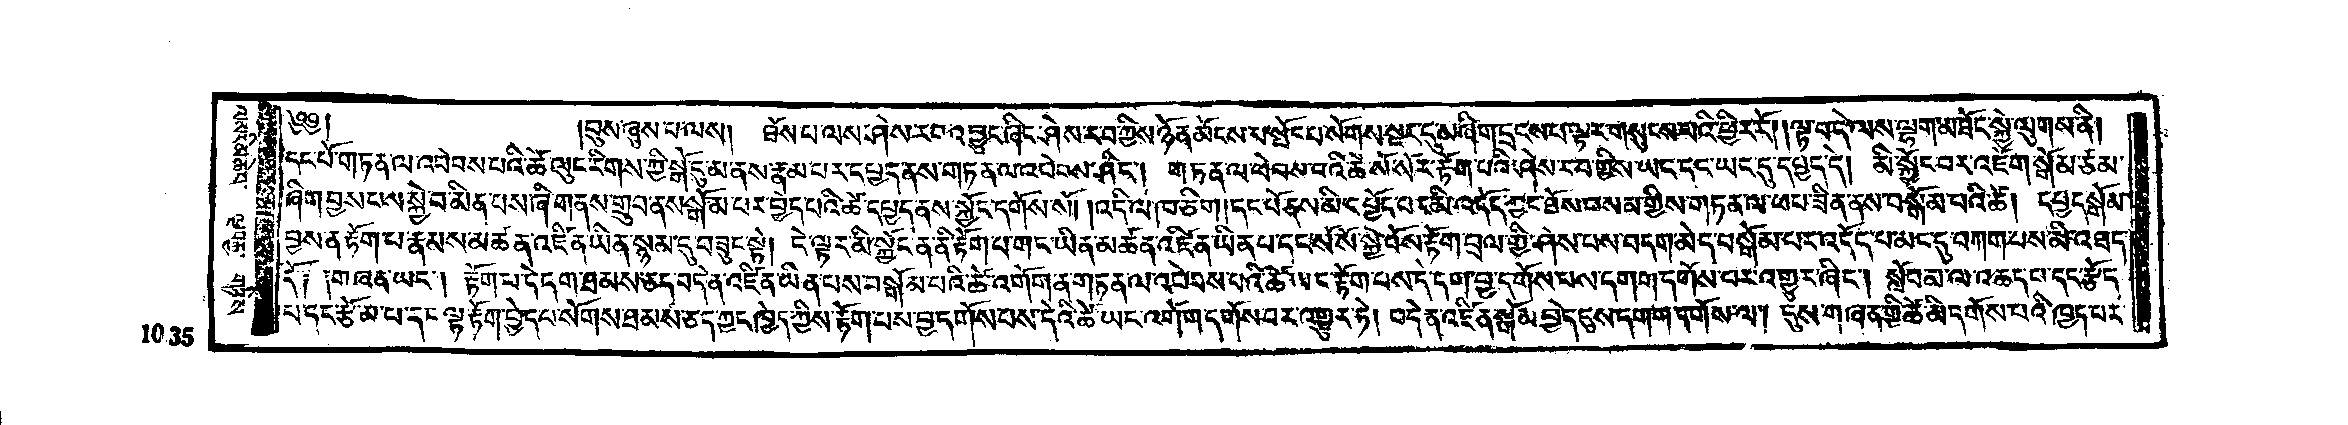༄༅། །བུས་ཞུས་པ་ལས། ཐོས་པ་ལས་ཤེས་རབ་འབྱུང་ཞིང་ཤེས་རབ་ཀྱིས་ཉོན་མོངས་པ་སྤོང་བ་སོགས་སྔར་དུ་མ་ཞིག་དྲངས་པ་ལྟར་གསུངས་པའི་ཕྱིར་རོ། །ལྟ་བ་དེ་ལས་ལྷག་མཐོང་སྐྱེ་ལུགས་ནི།
དང་པོ་གཏན་ལ་འབེབས་པའི་ཚེ་ལུང་རིགས་ཀྱི་སྒོ་དུ་མ་ནས་རྣམ་པར་དཔྱད་ནས་གཏན་ལ་འབེབས་ཤིང་། གཏན་ལ་ཕེབས་པའི་ཚེ་སོ་སོར་རྟོག་པའི་ཤེས་རབ་ཀྱིས་ཡང་དང་ཡང་དུ་དཔྱད་དེ། མི་སྐྱོང་བར་འཇོག་སྒོམ་ཙམ་
ཞིག་བྱས་པས་སྐྱེ་བ་མིན་པས་ཞི་གནས་གྲུབ་ནས་སྒོམ་པར་བྱེད་པའི་ཚེ་དཔྱད་ནས་སྐྱོང་དགོས་སོ། །འདི་ལ་ཁ་ཅིག །དང་པོ་ནས་མི་དཔྱོད་པར་མི་འདོད་ཀྱང་ཐོས་བསམ་གྱིས་གཏན་ལ་ཕབ་ཟིན་ནས་བསྒོམ་པའི་ཚེ། དཔྱད་སྒོམ་
བྱས་ན་རྟོག་པ་རྣམས་མཚན་འཛིན་ཡིན་སྙམ་དུ་བཟུང་སྟེ། དེ་ལྟར་མི་སྐྱོང་ན་ནི་རྟོག་པ་གང་ཡིན་མཚན་འཛིན་ཡིན་པ་དང་སོ་སོ་སྐྱེ་བོས་རྟོག་བྲལ་གྱི་ཤེས་པས་བདག་མེད་བསྒོམ་པར་འདོད་པ་མང་དུ་བཀག་པས་མི་འཐད་
དོ༑ ༑གཞན་ཡང་། རྟོག་པ་དེ་དག་ཐམས་ཅད་བདེན་འཛིན་ཡིན་པས་བསྒོམ་པའི་ཚེ་འགོག་ན་གཏན་ལ་འབེབས་པའི་ཚེ་ཡང་རྟོག་པས་དེ་དག་བྱ་དགོས་པས་དགག་དགོས་པར་འགྱུར་ཞིང་། སློབ་མ་ལ་འཆད་པ་དང་རྩོད་
པ་དང་རྩོམ་པ་དང་ལྟ་རྟོག་བྱེད་པ་སོགས་ཐམས་ཅད་ཀྱང་ཁྱེད་ཀྱིས་རྟོག་པས་བྱ་དགོས་པས་དེའི་ཚེ་ཡང་འགོག་དགོས་པར་འགྱུར་ཏེ། བདེན་འཛིན་སྒོམ་བྱེད་དུས་དགག་དགོས་ལ། དུས་གཞན་གྱི་ཚེ་མི་དགོས་པའི་ཁྱད་པར་